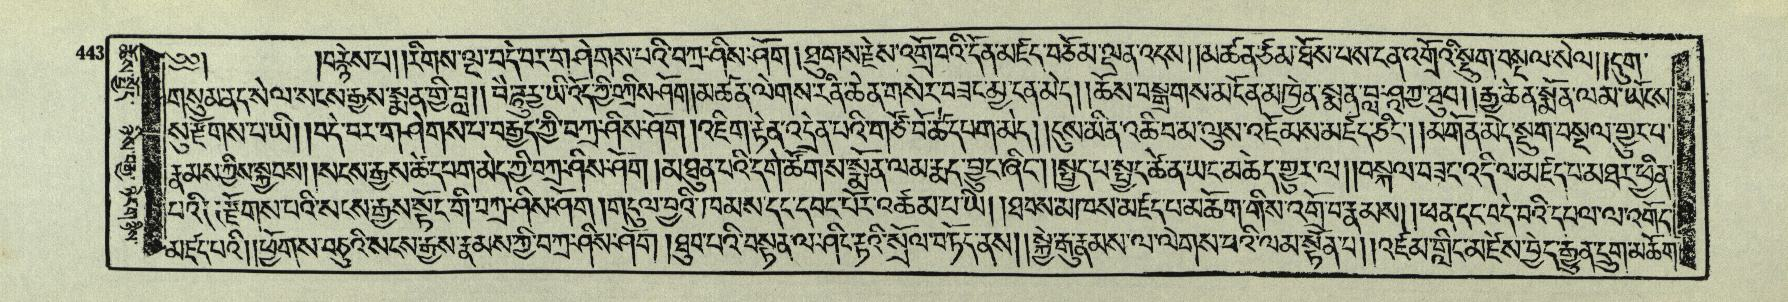༄༅། །བརྙེས་པ། །རིགས་ལྔ་བདེ་བར་གཤེགས་པའི་བཀྲ་ཤིས་ཤོག །ཐུགས་རྗེས་འགྲོ་བའི་དོན་མཛད་བཅོམ་ལྡན་འདས། །མཚན་ཙམ་ཐོས་པས་ངན་འགྲོའི་སྡུག་བསྔལ་སེལ། །དུག་
གསུམ་ནས་སེལ་སངས་རྒྱས་སྨན་གྱི་བླ། །བཻ་ཌཱུརྱ་ཡི་འོད་ཀྱི་བཀྲིས་ཤོག །མཚན་ལེགས་རིན་ཆེན་གསེར་བཟང་མྱ་ངན་མེད། །ཆོས་བསྒྲགས་མངོན་མཁྱེན་སྨན་བླ་ཤཱཀྱ་ཐུབ། །རྒྱ་ཆེན་སྨོན་ལམ་ཡོངས་
སུ་རྫོགས་པ་ཡི། །བདེ་བར་གཤེགས་པ་བརྒྱད་ཀྱི་བཀྲ་ཤིས་ཤོག །འཇིག་རྟེན་འདྲེན་པའི་གཙོ་བོ་ཚེ་དཔག་མེད། །དུས་མིན་འཆི་བ་མ་ལུས་འཇོམས་མཛད་ཅིང་། །མགོན་མེད་སྡུག་བསྔལ་གྱུར་པ་
རྣམས་ཀྱིས་སྐྱབས། །སངས་རྒྱས་ཚེ་དཔག་མེད་ཀྱི་བཀྲ་ཤིས་ཤོག །མཐུན་པའི་དགེ་ཚོགས་སྨོན་ལམ་རྨད་བྱུང་ཞིང་། །སྤྱད་པ་སྤྱད་ཚེ་ན་ཡང་མཆེད་གྱུར་ལ། །བསྐལ་བཟང་འདི་ལ་མཛད་པ་མཐར་ཕྱིན་
པའི༑ ༑རྫོགས་པའི་སངས་རྒྱས་སྟོང་གི་བཀྲ་ཤིས་ཤོག །གདུལ་བྱའི་ཁམས་དང་དབང་པོར་འཚམ་པ་ཡི། །ཐབས་མཁས་མཛད་པ་མཆོག་གིས་འགྲོ་བ་རྣམས། །ཕན་དང་བདེ་བའི་དཔལ་ལ་འགོད་
མཛད་པའི། །ཕྱོགས་བཅུའི་སངས་རྒྱས་རྣམས་ཀྱི་བཀྲ་ཤིས་ཤོག །ཐུབ་པའི་བསྟན་ལ་ཤིང་རྟའི་སྲོལ་བཏོད་ནས། །སྐྱེ་རྒུ་རྣམས་ལ་ལེགས་པའི་ལམ་སྟོན་པ། །འཛམ་གླིང་མཛེས་བྱེད་རྒྱུན་དྲུག་མཆོག་